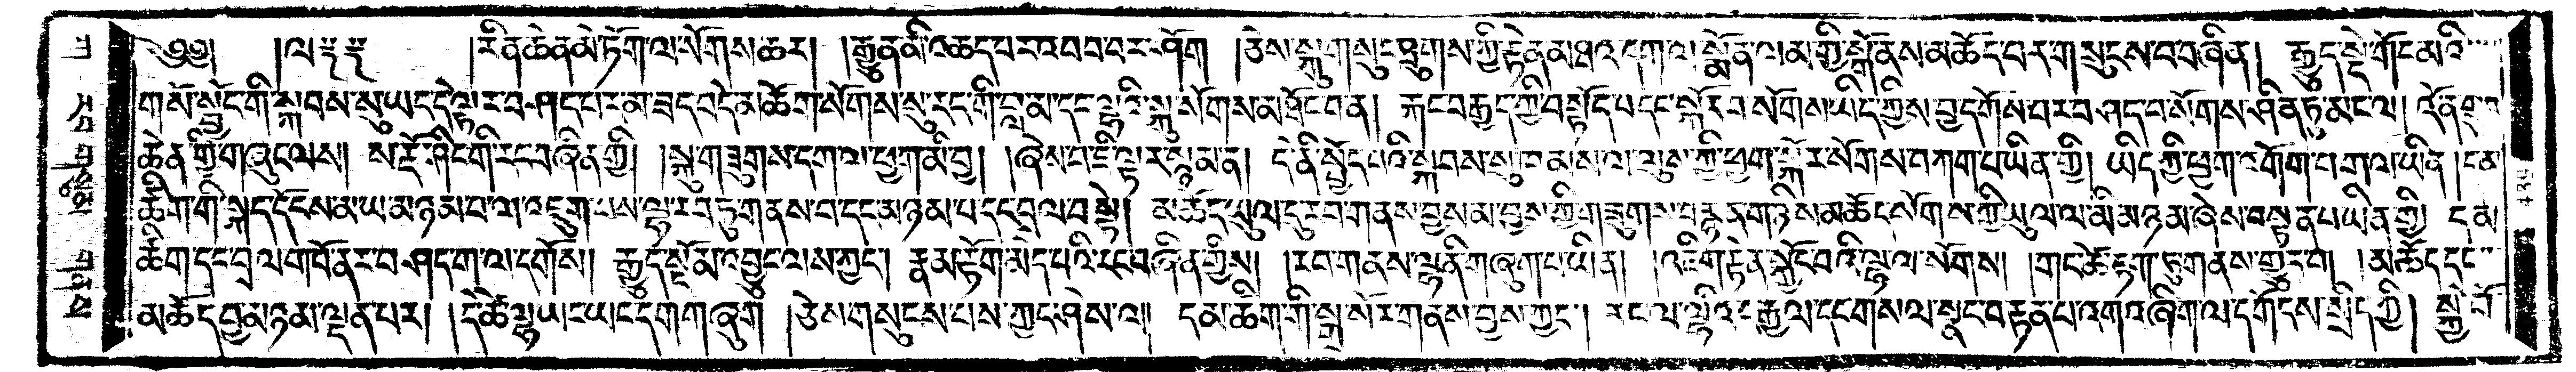༄༅། །ལ།། །རིན་ཆེན་མེ་ཏོག་ལ་སོགས་ཆར། །རྒྱུན་མི་འཆད་པར་འབབ་བར་ཤོག །ཅེས་སྐུ་གསུང་ཐུགས་ཀྱི་རྟེན་མཐའ་དག་ལ་སྨོན་ལམ་གྱི་སྒོ་ནས་མཆོད་བར་གསུངས་བ་བཞིན། རྒྱུད་སྡེ་གོང་མའི་
གསོ་སྦྱོང་གི་སྐབས་སུ་ཡང་དེ་ལྟར་བཤད་པར་མ་ཅད་བདེ་མཆོག་སོགས་སུ་རང་གི་བླ་མ་དང་ལྷའི་སྐུ་སོགས་མཐོང་བ་ན། རྐང་བརྒྱད་ཀྱི་བསྟོད་པ་དང་སྐོར་བ་སོགས་ཡིད་ཀྱིས་བྱ་དགོས་པར་བཤད་པ་སོགས་ཤིན་ཏུ་མང་ལ། དོན་གྲུ?
ཆེན་གྱི་གཞུང་ལས། ས་རྡོ་ཤིག་གི་རང་བཞིན་གྱི། །སྐུ་གཟུགས་དག་ལ་ཕྱག་མི་བྱ། །ཞེས་པ་ཇི་ལྟར་སྙམ་ན། དེ་ནི་སྤྱོད་པའི་སྐབས་སུ་ཁམས་ལ་ལུས་ཀྱི་ཕྱག་སྐོར་སོགས་བཀག་པ་ཡིན་གྱི། །ཡིད་ཀྱི་ཕྱག་འགོག་བགལ་ཡིན། དམ་
ཚིག་གི་སྐད་དོངས་མ་ཡ་མཉམ་པ་ལ་འཇུག་པས་ལྷ་རབ་ཏུ་གནས་པ་དང་མཉམ་པ་དང་བྲལ་བ་སྟེ། མཚད་ཡུལ་དུ་རབ་གནས་བྱས་མ་བྱས་ཀྱི་གཟུགས་བརྙན་གཉིས་མཆོད་སོགས་ཀྱི་ཡུལ་ལ་མི་མཉམ་ཞེས་བསྟན་པ་ཡིན་གྱི། དམ་
ཚིག་དང་བྲལ་བ་ཁོ་ན་ར་བཤད་ག་ལ་དགོས། །རྒྱུད་སྔོ་མ་འབྱུང་ལས་ཀྱང་། རྣམ་རྟོག་མེད་པའི་རང་བཞིན་གྱིས། །རབ་གནས་ལྷ་ནི་གཞུག་པ་ཡིན། །འཇིག་རྟེན་སྐྱོང་བའི་ལྷ་ལ་སོགས། །གང་ཚེ་རྟག་ཏུ་གནས་གྱུར་བ། །མཆོད་དང་
མཆོད་བྱ་མཉམ་ལྡན་པར། །དེ་ཚེ་ལྷ་ཡང་ཡང་དག་གཞུག །ཅེས་གསུངས་པས་ཀྱང་ཤེས་ལ། དམ་ཚིག་གི་སྒྲ་སོར་གནས་བྱས་ཀྱང་། རང་ལ་ལྷའི་ང་རྒྱལ་དང་གསལ་སྣང་བརྟན་པ་འགའ་ཞིག་ལ་དགོངས་སྲིད་ཀྱི། སྐྱེ་བོ་